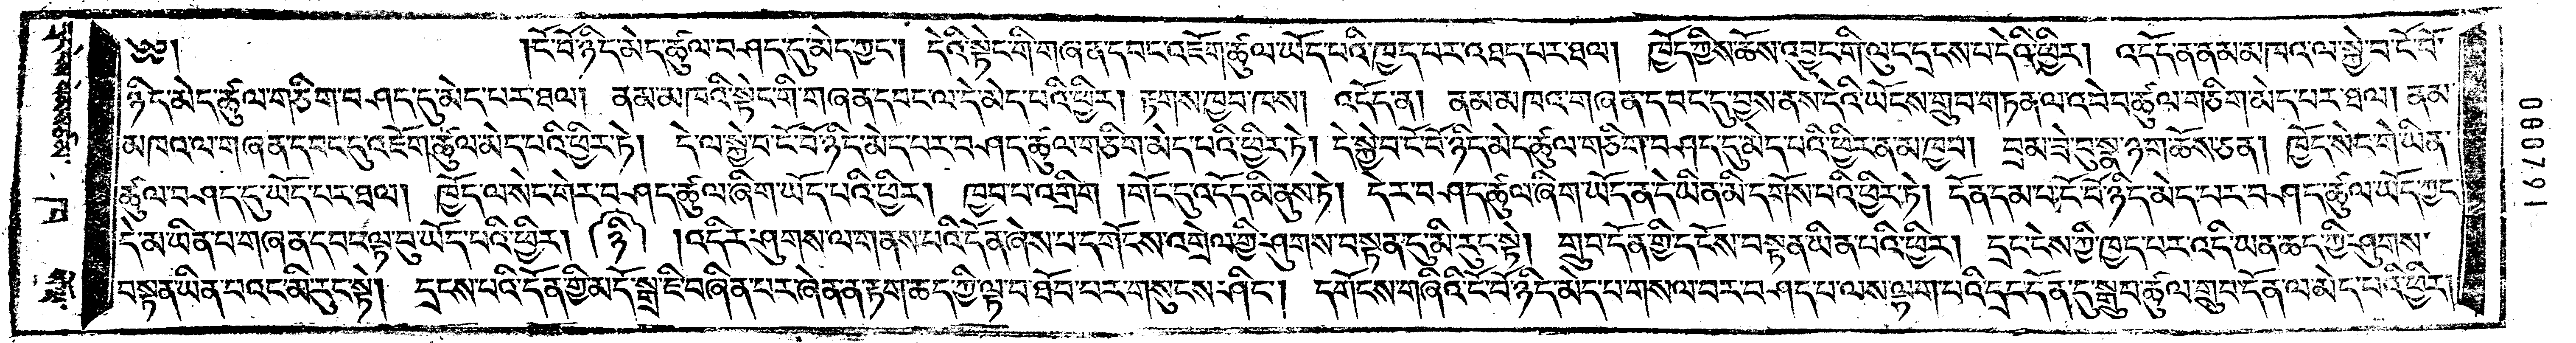༄༅། །ངོ་བོ་ཉིད་མེད་ཚུལ་བཤད་དུ་མེད་ཀྱང་། དེའི་སྟེང་གི་གཞན་དབང་འཇོག་ཚུལ་ཡོད་པའི་ཁྱད་པར་འཐད་པར་ཐལ། ཁྱོད་ཀྱིས་ཆོས་འབྱུང་གི་ལུང་དྲངས་པ་དེའི་ཕྱིར། འདོད་ན་ནམ་མཁའ་ལ་སྐྱེ་བ་ངོ་བོ་
ཉིད་མེད་ཚུལ་གཅིག་བཤད་དུ་མེད་པར་ཐལ། ནམ་མཁའི་སྟེང་གི་གཞན་དབང་ལ་དེ་མེད་པའི་ཕྱིར། རྟགས་ཁྱབ་ཁས། འདོད་ན། ནམ་མཁའ་གཞན་དབང་དུ་བྱས་ནས་དེའི་ཡོངས་གྲུབ་གཏན་ལ་འབེབ་ཚུལ་གཅིག་མེད་པར་ཐལ། ནམ་
མཁའ་ལ་གཞན་དབང་དུ་འཇོག་ཚུལ་མེད་པའི་ཕྱིར་ཏེ། དེ་ལ་སྐྱེ་བ་ངོ་བོ་ཉིད་མེད་པར་བཤད་ཚུལ་གཅིག་མེད་པའི་ཕྱིར་ཏེ། དེ་སྐྱེ་བ་ངོ་བོ་ཉིད་མེད་ཚུལ་གཅིག་བཤད་དུ་མེད་པའི་ཕྱིར་ན་མ་ཁྱབ། བྲམ་ཟེ་བུ་སྣ་ཉག་ཆོས་ཅན། ཁྱོད་སེང་གེ་ཡིན་
ཚུལ་བཤད་དུ་ཡོད་པར་ཐལ། ཁྱོད་ལ་སེང་གེར་བཤད་ཚུལ་ཞིག་ཡོད་པའི་ཕྱིར། ཁྱབ་པ་འགྲིག །གོང་དུ་འདོད་མི་ནུས་ཏེ། དེར་བཤད་ཚུལ་ཞིག་ཡོད་ན་དེ་ཡིན་མི་དགོས་པའི་ཕྱིར་ཏེ། དོན་དམ་པ་ངོ་བོ་ཉིད་མེད་པར་བཤད་ཚུལ་ཡོད་ཀྱང་
དེ་མ་ཡིན་པ་གཞན་དབང་ལྟ་བུ་ཡོད་པའི་ཕྱིར། ༼ཉི༽ །འདིར་ཤུགས་ལ་གནས་པའི་དོན་ཞེས་པ་དགོངས་འགྲེལ་གྱི་ཤུགས་བསྟན་དུ་མི་རུང་སྟེ། གྲུབ་དོན་གྱི་དངོས་བསྟན་ཡིན་པའི་ཕྱིར། དྲང་ངེས་ཀྱི་ཁྱད་པར་འདི་ཡན་ཆད་ཀྱི་ཤུགས་
བསྟན་ཡིན་པའང་མི་རུང་སྟེ། དྲངས་པའི་དོན་གྱི་མདོ་སྒྲ་ཇི་བཞིན་པར་ཞེན་ན་རྟག་ཆད་ཀྱི་ལྟ་བ་ཐོབ་པར་གསུངས་ཤིང་། དགོངས་གཞིའི་ངོ་བོ་ཉིད་མེད་པ་གསལ་བར་བཤད་པ་ལས་ལྷག་པའི་དྲང་དོན་དུ་སྒྲུབ་ཚུལ་གྲུབ་དོན་ལ་མེད་པའི་ཕྱིར།